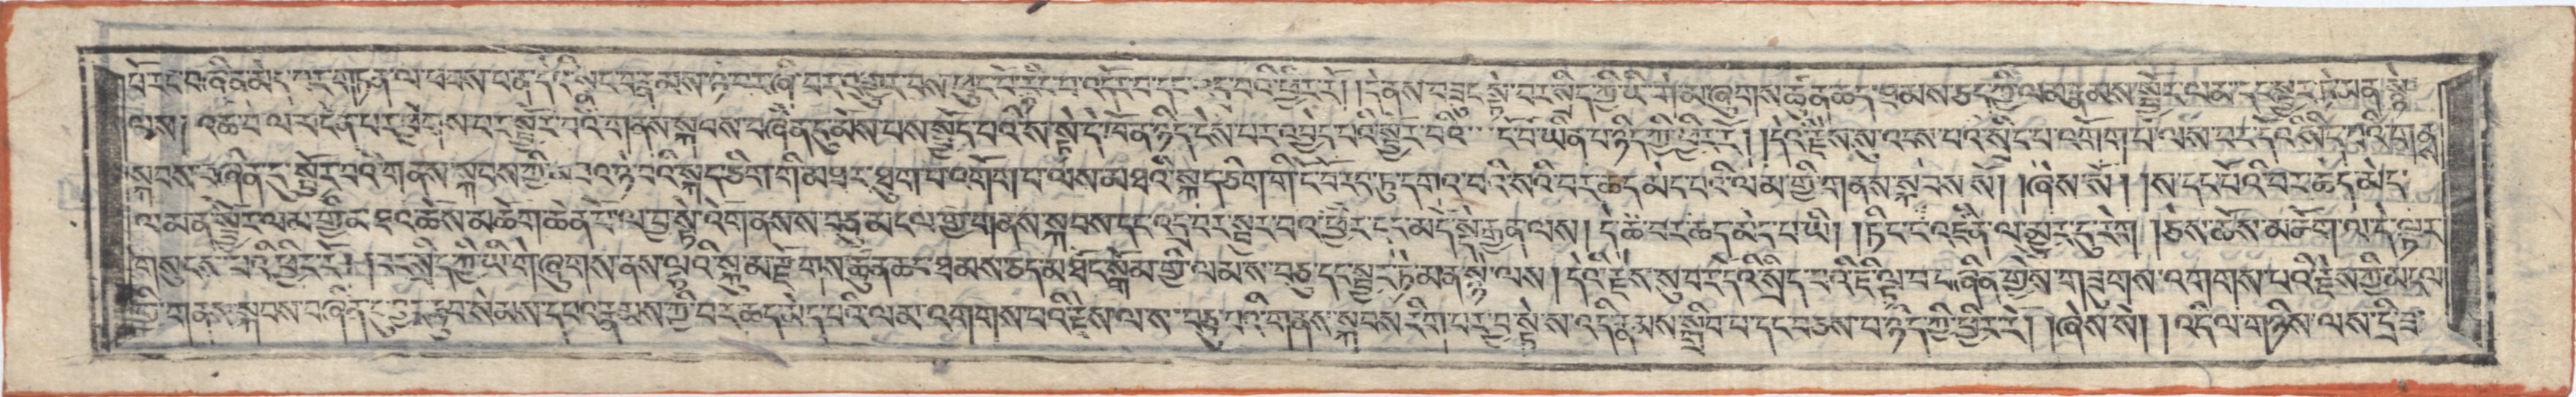པོ་རང་བཞིན་མེད་པར་གཏན་ལ་ཕབས་པ་ན་དེའི་སྣང་བ་རྣམས་ཉེ་བར་ཞི་བར་འགྱུར་བས་ཕུང་པོ་རྙིང་པ་འདོར་བ་དང་འདྲ་བའི་ཕྱིར་རོ། །དེ་ནས་བཟུང་སྟེ་བར་སྲིད་ཀྱི་ཡི་གེ་མ་ཞུགས་ཚུན་ཆད་ཐམས་ཅད་ཀྱི་ལམ་རྣམས་སྦྱོར་ལམ་དང་སྦྱར་ཏེ་མན་སྙེ་
ལས༑ འཚོ་?་བ་ལ་མངོན་པར་ཕྱོགས་པར་སྦྱོར་བའི་གནས་སྐབས་བཞིན་དུ་མོས་པས་སྤྱོད་པའི་ས་སྟེ་དེ་ཁོ་ན་ཉིད་ངེས་པར་འབྱེད་པའི་སྦྱོར་བའི་ངོ་བོ་ཡིན་པ་ཉིད་ཀྱི་ཕྱིར་རོ། །དེའི་རྗེས་སུ་འདས་པའི་སྲིད་པ་འགོག་པ་ལས་བར་དོའི་སྲིད་པའི་གནས་
སྐབས་བཞིན་དུ་སྦྱོར་བའི་གནས་སྐབས་ཀྱི་མཐའ་ཉེ་བའི་སྐད་ཅིག་གི་མཐར་ཐུག་པ་འགོག་པ་ལས་མཐའི་སྐད་ཅིག་གི་ངོ་བོ་རབ་ཏུ་དགའ་བའི་སའི་བར་ཆད་མེད་པའི་ལམ་གྱི་གནས་སྐབས་སོ། །ཞེས་སོ། །ས་དང་པོའི་བར་ཆེད་མེད་
ལམ་ནི་སྦྱོར་ལམ་གྱི་མཐའ་ཆོས་མཆོག་ཆེན་པོ་ལ་བྱ་སྟེ་འོག་ནས་ས་བཅུ་མངལ་གྱི་གནས་སྐབས་དང་འདྲ་བར་སྦྱར་བའི་ཕྱིར་དང་མདོ་སྡེ་རྒྱན་ལས། དེ་ཚེ་བར་ཚད་མེད་པ་ཡི། །ཏིང་ངེ་འཛིན་ལ་མྱུར་དུ་རེག །ཅེས་ཆོས་མཆོག་ལ་དེ་ལྟར་
གསུངས་པའི་ཕྱིར་རོ། །འང་སྲིད་ཀྱི་ཡི་གེ་ཞུགས་ནས་ལྷའི་སྐུ་མ་རྫོགས་ཚུན་ཆད་ཐམས་ཅད་མཐོང་སྒོམ་གྱི་ལམ་ས་བཅུ་དང་སྦྱར་ཏེ་མན་སྙེ་ལས། དེའི་རྗེས་སུ་བར་དོའི་སྲིད་པའི་ཇི་ལྟ་བ་བཞིན་གྱིས་གཟུགས་འགགས་པའི་རྗེས་ཀྱི་མངའ་
གྱི་གནས་སྐབས་བཞིན་དུ་བྱང་ཆུབ་སེམས་དཔའ་རྣམས་ཀྱི་བར་ཆད་མེད་པའི་ལམ་འགགས་པའི་རྗེས་ལ་ས་བཅུ་པའི་གནས་སྐབས་རིག་པར་བྱ་སྟེ་ས་འདི་རྣམས་སྒྲིབ་པ་དང་བཅས་པ་ཉིད་ཀྱི་ཕྱིར་རོ། །ཞེས་སོ། །འདི་ལ་གཉིས་ལས་དྲི་ཟ་